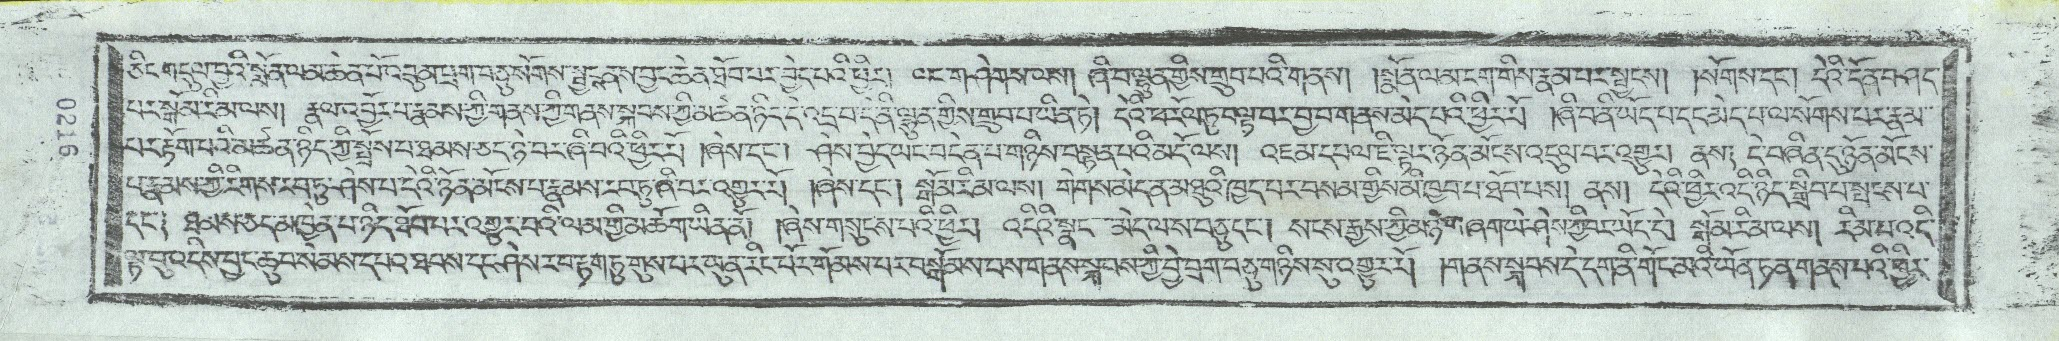ཅིང་གདུལ་བྱའི་སྨོན་ལམ་ཆེན་པོ་འབུམ་ཕྲག་བཅུ་སོགས་སྦྱངས་ནས་བྱང་ཆེན་ཐོབ་པར་བྱེད་པའི་ཕྱིར། ལང་གཤེགས་ལས། ཞིབ་ལྷུན་གྱིས་གྲུབ་པའི་གནས། །སྨོན་ལམ་ངག་གིས་རྣམ་པར་སྦྱངས། །སོགས་དང་། དེའི་དོན་བཤད་
པར་སྒོམ་རིམ་ལས། རྣལ་འབྱོར་པ་རྣམས་ཀྱི་གནས་ཀྱི་གནས་སྐབས་ཀྱི་མཚན་ཉིད་དེ་འདྲ་བ་དེ་ནི་ལྷུན་གྱིས་གྲུབ་པ་ཡིན་ཏེ། དེའི་ཕ་རོལ་ཏུ་བལྟ་བར་བྱ་བ་གནས་མེད་པའི་ཕྱིར་རོ། །ཞི་བ་ནི་ཡོད་པ་དང་མེད་པ་ལ་སོགས་པར་རྣམ་
པར་རྟོག་པའི་མཚན་ཉིད་ཀྱི་སྤྲོས་པ་ཐམས་ཅད་ཉེ་བར་ཞི་བའི་ཕྱིར་རོ། །ཞེས་དང་། ཤེས་བྱེད་ཡང་བདེན་པ་གཉིས་བསྟན་པའི་མདོ་ལས། འཇམ་དཔལ་ཇི་ལྟར་ཉོན་མོངས་འདུལ་བར་འགྱུར། ནས༑ དེ་བཞིན་དུ་ཉོན་མོངས་
པ་རྣམས་ཀྱི་རིགས་རབ་ཏུ་ཤེས་པ་དེའི་ཉོན་མོངས་པ་རྣམས་རབ་ཏུ་ཞི་བར་འགྱུར་རོ། །ཞེས་དང་། སྒོམ་རིམ་ལས། གེགས་མེད་ན་མཐུའི་ཁྱད་པར་བསམ་གྱིས་མི་ཁྱབ་པ་ཐོབ་པས། ནས། དེའི་ཕྱིར་འདི་ཉིད་སྒྲིབ་པ་སྤངས་པ་
དང༑ ཐམས་ཅད་མཁྱེན་པ་ཉིད་ཐོབ་པར་འགྱུར་བའི་ལམ་གྱི་མཆོག་ཡིན་ནོ། །ཞེས་གསུངས་པའི་ཕྱིར། འདིའི་སྣང་མེད་ལས་བཅུ་དང་། སངས་རྒྱས་ཀྱི་མཉམ་གཞག་ཡེ་ཤེས་ཀྱི་བར་ཡོད་དེ། སྒོམ་རིམ་ལས། རིམ་པ་འདི་
ལྟ་བུ་འདིས་བྱང་ཆུབ་སེམས་དཔའ་ཐབས་དང་ཤེས་རབ་རྟག་ཏུ་གུས་པར་ཡུན་རིང་པོར་གོམས་པར་བསྒོམས་པས་གནས་སྐབས་ཀྱི་བྱེ་བྲག་བཅུ་གཉིས་སུ་འགྱུར་རོ། །གནས་སྐབས་དེ་དག་ནི་གོང་མའི་ཡོན་ཏན་གནས་པའི་ཕྱིར་